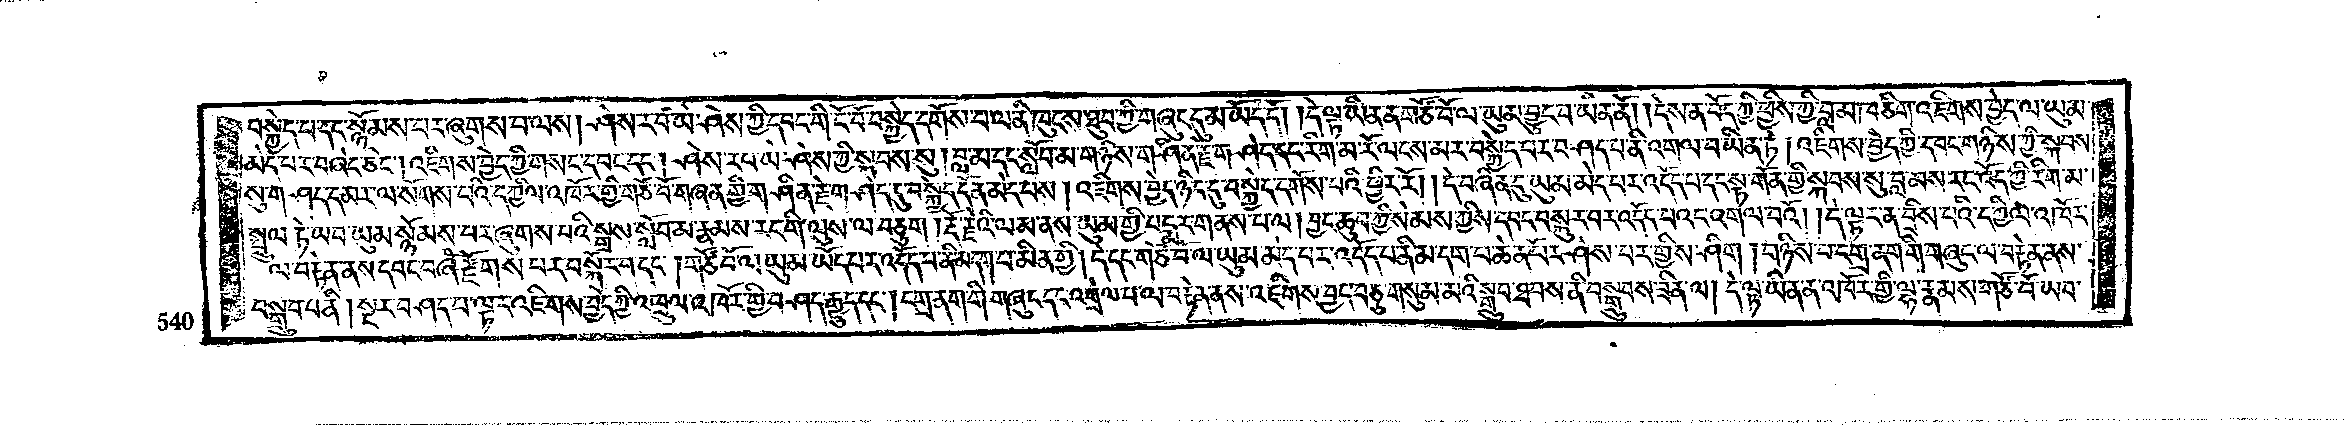བསྐྱེད་པ་དང་སྙོམས་པར་ཞུགས་པ་ལས། ཤེས་རབ་ཡེ་ཤེས་ཀྱི་དབང་གི་ངོ་བོ་བསྐྱེད་དགོས་པ་ལ་ནི་ཁུངས་ཐུབ་ཀྱི་གཞུང་དུ་མ་ཡོད་དོ། །དེ་ལྟ་ཡིན་ན་གཙོ་བོ་ལ་ཡུམ་བྱུང་བ་ཡིན་ནོ། །དེས་ན་བོད་ཀྱི་ཕྱིས་ཀྱི་བླ་མ་ཁ་ཅིག་འཇིགས་བྱེད་ལ་ཡུམ་
མེད་པར་བཞེད་ཅིང་། འཇིགས་བྱེད་ཀྱི་གསང་དབང་དང་། ཤེས་རབ་ཡེ་ཤེས་ཀྱི་སྐབས་སུ། བླ་མ་དང་སློབ་མ་གཉིས་གཤིན་རྗེ་གཤེད་དང་རེག་མ་རོ་ལངས་མར་བསྐྱེད་པར་བཤད་པ་ནི་འགལ་བ་ཡིན་ཏེ། འཇིགས་བྱེད་ཀྱི་དབང་གཉིས་ཀྱི་སྐབས་
སུ་གཤད་དམར་ལ་སོགས་པའི་དཀྱིལ་འཁོར་གྱི་གཙོ་བོ་གཞན་གྱི་གཤིན་རྗེ་གཤེད་དུ་བསྐྱེད་དོན་མེད་པས། འཇིགས་བྱེད་ཉིད་དུ་བསྐྱེད་དགོས་པའི་ཕྱིར་རོ། །དེ་བཞིན་དུ་ཡུམ་མེད་པར་འདོད་པ་དང་སྟ་གོན་གྱི་སྐབས་སུ་བླ་མས་རང་འོད་ཀྱི་རིག་མ་
སྤྲུལ་ཏེ་ཡབ་ཡུམ་སྙོམས་པར་ཞུགས་པའི་སྒྲས་སློབ་མ་རྣམས་རང་གི་ལུས་ལ་བཅུག །རྡོ་རྗེའི་ལམ་ནས་ཡུམ་གྱི་པདམར་གནས་པ་ལ། བྱང་ཆུབ་ཀྱི་སེམས་ཀྱིས་དབང་བསྐུར་བར་འདོད་པའང་འགལ་བའོ། །དེ་ལྟར་ན་བྲིས་པའི་དཀྱིལ་འཁོར་
ལ་བརྟེན་ནས་དབང་བཞི་རྫོགས་པར་བསྐུར་བ་དང་། གཙོ་བོ་ལ་ཡུམ་ཡོད་པར་འདོད་པ་ནི་མདག་པ་མིན་གྱི། དེ་དང་གཙོ་བོ་ལ་ཡུམ་མེད་པར་འདོད་པ་ནི་མ་དག་པ་ཆེན་པོར་ཤེས་པར་གྱིས་ཤིག། གཉིས་པ་དགྲ་ནག་གི་གཞུང་ལ་བརྟེན་ནས་
བསྒྲུབ་པ་ནི། སྔར་བཤད་པ་ལྟར་འཇིགས་བྱེད་ཀྱི་འཁྲུལ་འཁོར་གྱི་བཤད་རྒྱུད་དང་། དགྲ་ནག་གི་གཞུང་དང་འགྲེལ་པ་ལ་བརྟེན་ནས་འཇིགས་བྱེད་བཅུ་གསུམ་མའི་སྒྲུབ་ཐབས་ནི་བསྒྲུབས་ཟིན་ལ། དེ་ལྟ་ཡིན་ན་འཁོར་གྱི་ལྷ་རྣམས་གཙོ་བོ་ཡབ་